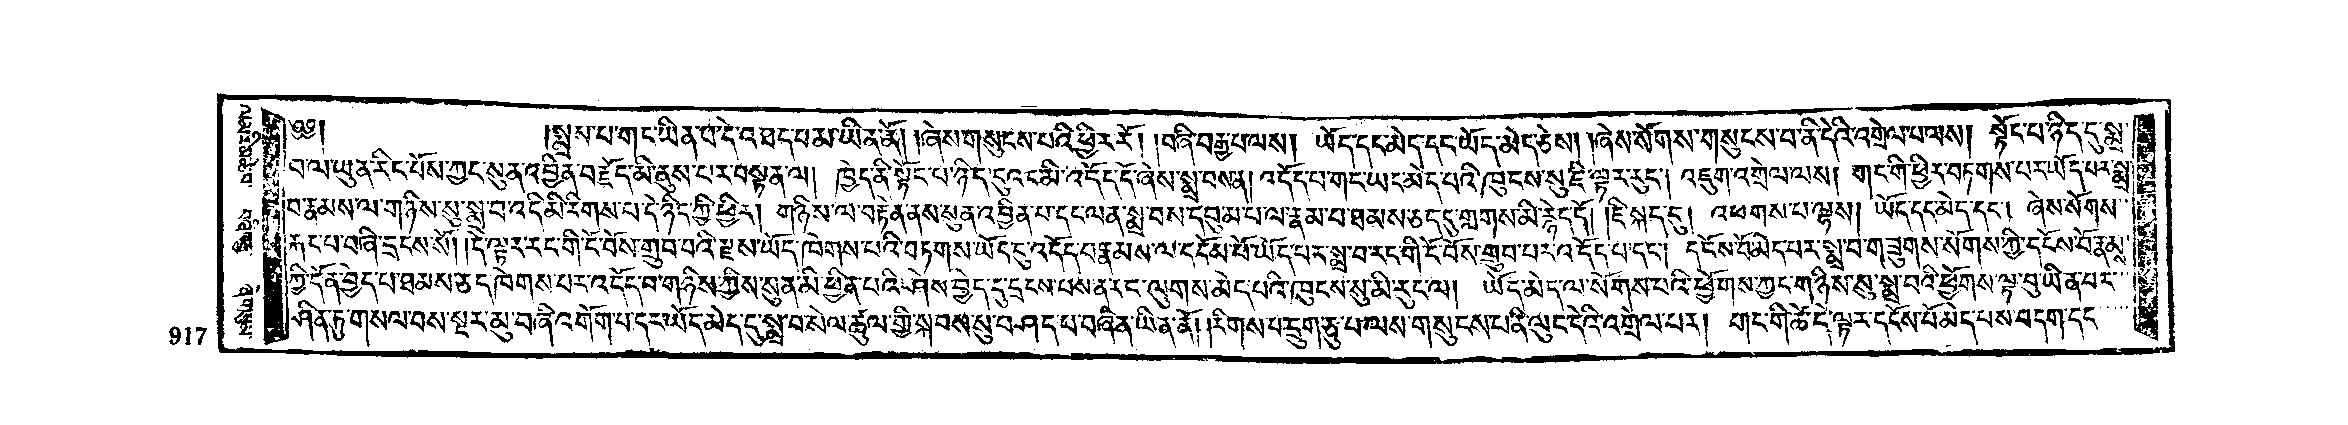༄༅། །སྨྲས་པ་གང་ཡིན་པ་དེ་འཐད་པ་མ་ཡིན་ནོ། །ཞེས་གསུངས་པའི་ཕྱིར་རོ། །བཞི་བརྒྱ་པ་ལས། ཡོད་དང་མེད་དང་ཡོད་མེད་ཅེས། །ཞེས་སོགས་གསུངས་པ་ནི་དེའི་འགྲེལ་པ་ལས། སྟོང་པ་ཉིད་དུ་སྨྲ་
བ་ལ་ཡུན་རིང་པོས་ཀྱང་སུན་འབྱིན་བརྗོད་མི་ནུས་པར་བསྟན་ལ། ཁྱེད་ནི་སྟོང་པ་ཉིད་དུའང་མི་འདོད་དོ་ཞེས་སྨྲ་བས་ན། འདོད་པ་གང་ཡང་མེད་པའི་ཁུངས་སུ་ཇི་ལྟར་རུང་། འཇུག་འགྲེལ་ལས། གང་གི་ཕྱིར་བཏགས་པར་ཡོད་པར་སྨྲ་
བ་རྣམས་ལ་གཉིས་སུ་སྨྲ་བ་འདི་མི་རིགས་པ་དེ་ཉིད་ཀྱི་ཕྱིར། གཉིས་ལ་བརྟེན་ནས་སུན་འབྱིན་པ་དང་ལན་སྨྲ་བས་དབུ་མ་པ་ལ་རྣམ་པ་ཐམས་ཅད་དུ་གླགས་མི་རྙེད་དོ། །ཇི་སྐད་དུ། འཕགས་པ་ལྷས། ཡོད་དང་མེད་དང་། ཞེས་སོགས་
རྐང་པ་བཞི་དྲངས་སོ། །དེ་ལྟར་རང་གི་ངོ་བོས་གྲུབ་པའི་རྫས་ཡོད་ཁེགས་པའི་བཏགས་ཡོད་དུ་འདོད་པ་རྣམས་ལ་དངོས་པོ་ཡོད་པར་སྨྲ་བ་རང་གི་ངོ་བོས་གྲུབ་པར་འདོད་པ་དང་། དངོས་པོ་མེད་པར་སྨྲ་བ་གཟུགས་སོགས་ཀྱི་དངོས་པོ་རྣམས་
ཀྱི་དོན་བྱེད་པ་ཐམས་ཅད་ཁེགས་པར་འདོད་པ་གཉིས་ཀྱིས་སུན་མི་ཕྱིན་པའི་ཤེས་བྱེད་དུ་དྲངས་པས་ན་རང་ལུགས་མེད་པའི་ཁུངས་སུ་མི་རུང་ལ། ཡོད་མེད་ལ་སོགས་པའི་ཕྱོགས་ཀྱང་གཉིས་སུ་སྨྲ་བའི་ཕྱོགས་ལྟ་བུ་ཡིན་པར་
ཤིན་ཏུ་གསལ་བས་སྔར་མུ་བཞི་འགོག་པ་དང་ཡོད་མེད་དུ་སྨྲ་བ་སེལ་ཚུལ་གྱི་སྐབས་སུ་བཤད་པ་བཞིན་ཡིན་ནོ། །རིགས་པ་དྲུག་ཅུ་པ་ལས་གསུངས་པ་ནི་ལུང་དེའི་འགྲེལ་པར། གང་གི་ཚེ་དེ་ལྟར་དངོས་པོ་མེད་པས་བདག་དང་